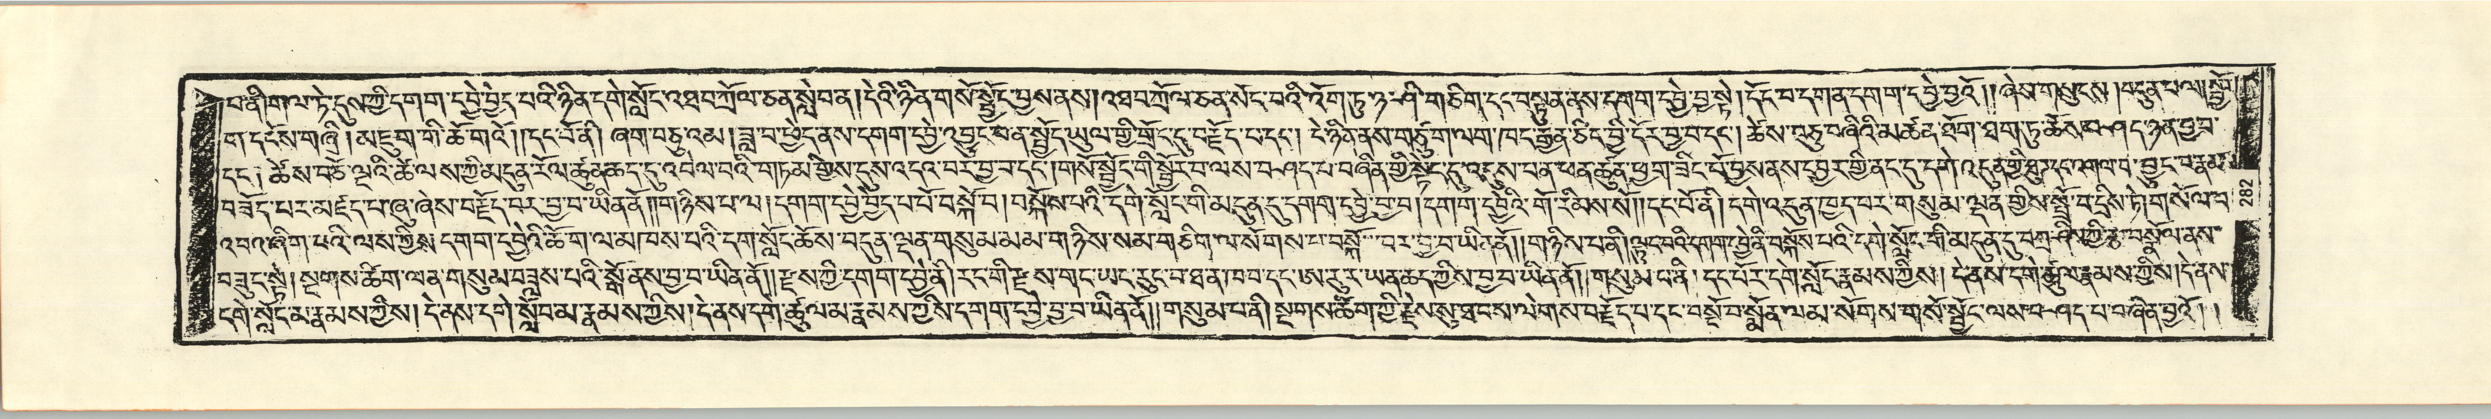པ་ནི། གལ་ཏེ་དུས་ཀྱི་དགག་དབྱེ་བྱེད་པའི་ཉིན་དགེ་སློང་འཐབ་ཀྲོལ་ཅན་སླེབ་ན། དེའི་ཉིན་གསོ་སྦྱོང་བྱས་ནས། འཐབ་ཀྲོལ་ཅན་སོང་བའི་འོག་ཏུ་ཉ་ཤི་གཅིག་དང་བསྟུན་ནས་དགག་དབྱེ་བྱ་སྟེ། དོང་བ་དག་ན་དགག་དབྱེ་བྱའོ། །ཞེས་གསུངས། བདུན་པ་ལ། སྦྱོར་
བ། དངོས་གཞི། མཇུག་གི་ཆོ་གའོ། །དང་པོ་ནི། ཞག་བཅུ་འམ། ཟླ་བ་ཕྱེད་ནས་དགག་དབྱེ་འབྱུང་བ་ན་སྤྱོད་ཡུལ་གྱི་གྲོང་དུ་བརྗོད་པ་དང་། དེ་ཉིན་ནས་གཙུག་ལག་ཁང་རྒྱན་ཅིང་བྱི་དོར་བྱ་བ་དང་། ཚེས་བཅུ་བཞིའི་མཚན་ཐོག་ཐག་ཏུ་ཆོས་བཤད་ཉན་བྱ་བ་
དང༑ ཚེས་བཅོ་ལྔའི་ཚེ་ལས་ཀྱི་མདུན་རོལ་ཚུན་ཆད་དུ་འབེལ་བའི་གཏམ་གྱིས་དུས་འདའ་བར་བྱ་བ་དང་། གསོ་སྦྱོང་གི་སྦྱོར་བ་ལས་བཤད་པ་བཞིན་གྱི་སྟེང་དུ་འདུས་པ་ན་ཕན་ཚུན་ཕྱག་ཟིང་པོ་བྱས་ནས་དབྱར་གྱི་ནང་དུ་དགེ་འདུན་གྱི་ཐུགས་དང་འགལ་བ་བྱུང་བ་རྣམས་
བཟོད་པར་མཛད་པ་ཞུ་ཞེས་བརྗོད་པར་བྱ་བ་ཡིན་ནོ། །གཉིས་པ་ལ། དགག་དབྱེ་བྱེད་པ་པོ་བསྐོ་བ། བསྐོས་པའི་དགེ་སློང་གི་མདུན་དུ་དགག་དབྱེ་བྱ་བ། དགག་དབྱེའི་གོ་རིམས་སོ། །དང་པོ་ནི། དགེ་འདུན་ཁྱད་པར་གསུམ་ལྡན་གྱིས་སྤྲོ་བ་དྲིས་ཏེ། གསོལ་བ་
འབའ་ཞིག་པའི་ལས་ཀྱིས་དགག་དབྱེའི་ཆོ་ག་ལ་མཁས་པའི་དག་སློང་ཆོས་བདུན་ལྡན་གསུམ་མམ་གཉིས་སམ་གཅིག་ལ་སོགས་པ་བསྐོ་བར་བྱ་བ་ཡིན་ནོ། །གཉིས་པ་ནི། ལྟུང་བའི་དགག་དབྱེ་ནི་བསྐོས་པའི་དགེ་སློང་གི་མདུན་དུ་བཀྲ་ཤིས་ཀྱི་རྩ་བསྣོལ་ནས་
བཟུང་སྟེ། སྔགས་ཚིག་ལན་གསུམ་བཟླས་པའི་སྒོ་ནས་བྱ་བ་ཡིན་ནོ། །རྫས་ཀྱི་དགག་དབྱེ་ནི། རང་གི་རྫས་གང་ཡང་རུང་བ་ཐ་ན་ཁབ་དང་ཨ་རུ་ར་ཡན་ཆད་ཀྱིས་བྱ་བ་ཡིན་ནོ། །གསུམ་པ་ནི། དང་པོར་དགེ་སློང་རྣམས་ཀྱིས། དེ་ནས་དགེ་ཚུལ་རྣམས་ཀྱིས། དེ་ནས་
དགེ་སློང་མ་རྣམས་ཀྱིས། དེ་ནས་དགེ་སློབ་མ་རྣམས་ཀྱིས། དེ་ནས་དགེ་ཚུལ་མ་རྣམས་ཀྱིས་དགག་དབྱེ་བྱ་བ་ཡིན་ནོ། །གསུམ་པ་ནི། སྔགས་ཚིག་ཀྱི་རྗེས་སུ་ཐབས་ལེགས་བརྗོད་པ་དང་བསྔོ་བ་སྨོན་ལམ་སོགས་གསོ་སྦྱོང་ལས་བཤད་པ་བཞིན་བྱའོ། །